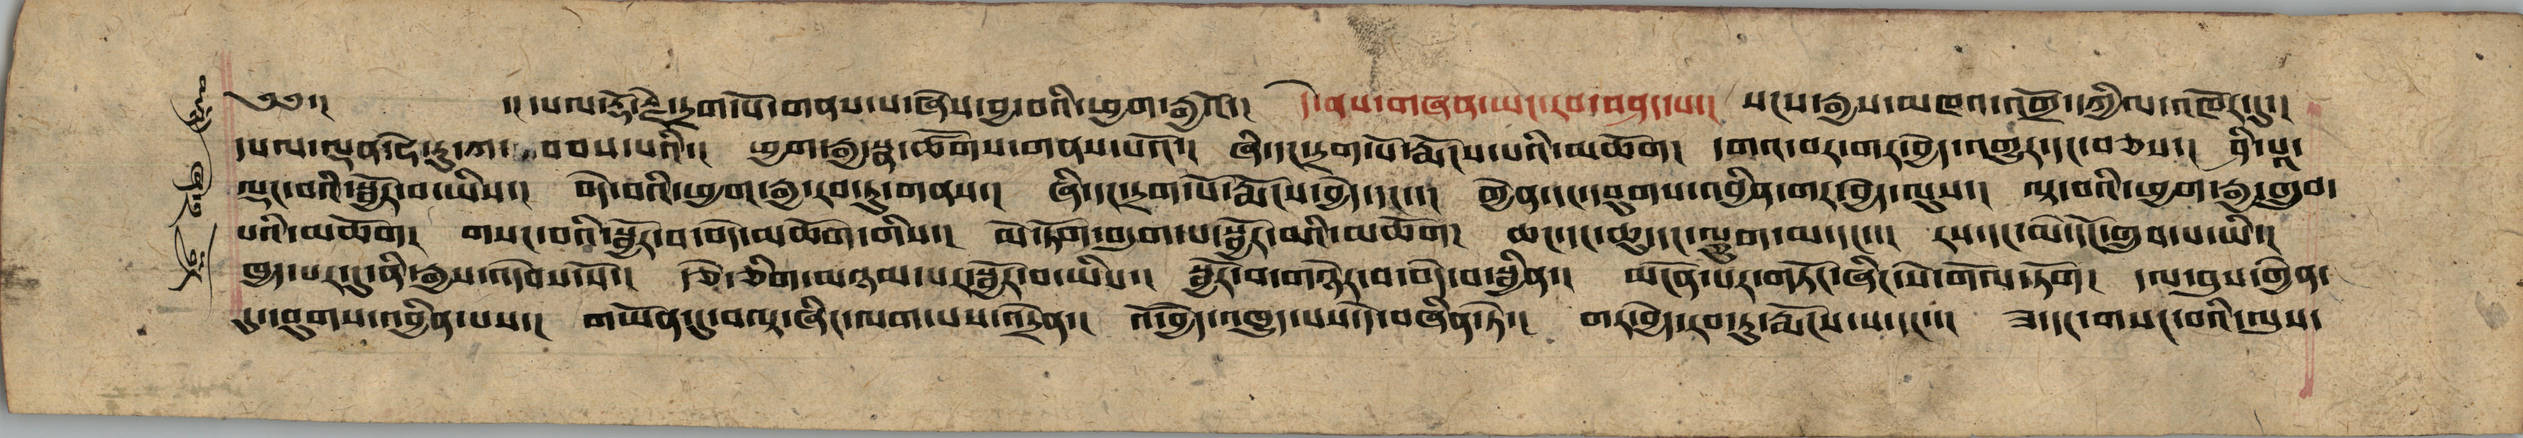༄༅་། ་།དཔལ་རྡོ་རྗེ་དྲག་པོ་གནས་པ་ཞེས་བྱ་བའི་ཕྱག་རྒྱའོ་། དེ་ནས་གཞན་ཡང་རབ་བཤད་པ་། སངས་རྒྱས་མཁའ་འགྲོ་དཀྱིལ་འཁོར་དུ་།
དཔལ་ལྡན་ཧེ་རུ་ཀ་ བབས་པའི་། ཕྱག་རྒྱ་སྣ་ཚོགས་གནས་པའོ་། ཞི་དང་དྲག་པོ་རྨོངས་པའི་མཆོག། དགའ་བར་གར་བྱེད་འགྱུར་དང་བཅས་། ཤི་པཱ་
ལྡང་བའི་སྦྱོར་བ་ཡིས་། བདེ་བའི་ཕྱག་རྒྱ་རབ་ཏུ་གནས་། ཞི་དང་དྲག་པོ་རྨོངས་བྱེད་དང་་། གྱེན་དང་དབུགས་འབྱིན་གར་བྱེད་ལུས་། ལྟ་བའི་ཕྱག་རྒྱ་གྲུབ་
པའི་མཆོག། གསང་བའི་སྦྱོར་བ་བདེ་མཆོག་གིས་། མེ་ཏོག་བདུག་པ་སྦྱོར་མའི་མཆོག། ཆང་དང་ཆུ་དང་ལྕུག་མ་དང་་། རས་དང་མེ་དངོ་གྲུབ་པ་ཡི་།
ཁྱད་པར་དུ་ནི་རྒྱས་འདེབས་སོ་། རྩེ་ཅིག་མཉམ་པར་སྦྱོར་བ་ཡིས་། སྦྱོར་བ་གཉེར་བ་བེད་བ་སྦྱིན་། མངོན་པར་གཏོང་ཞིང་སེ་གོལ་ཏོག། དལ་བུས་གྱེན་
དུ་དབུགས་འབྱིན་པས་། གཡོན་དུ་བལྟ་ཞིང་ལག་པས་འདྲེན་། འོ་བྱེད་འཁྱུད་པས་དེ་བཞིན་ཏེ་། གར་བྱེད་རབ་ཏུ་རྨོངས་པ་དང་་། ཟ་དང་གསང་བའི་ལུས་